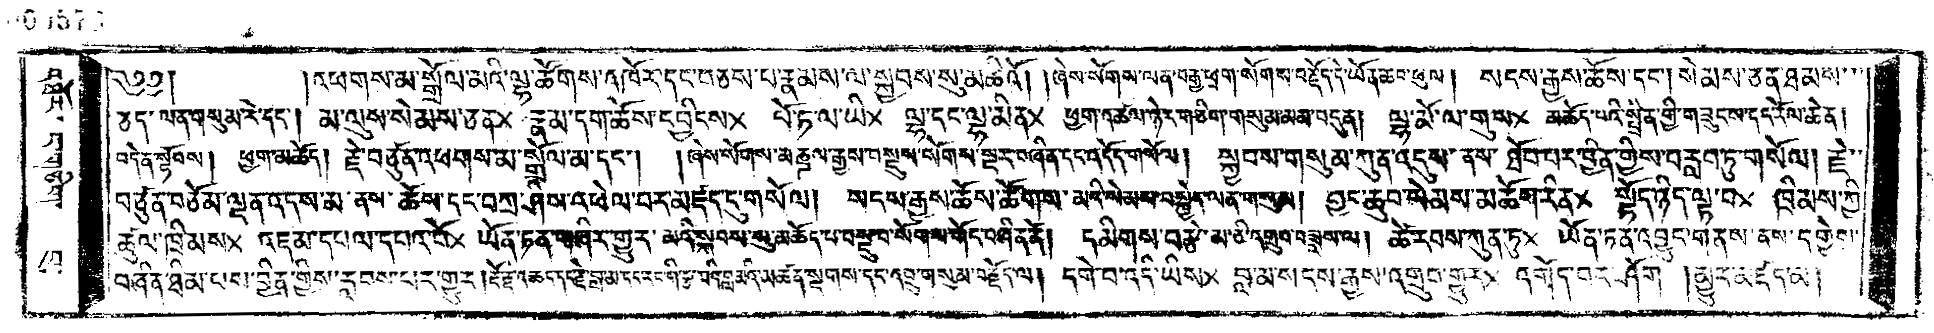༄༅། །འཕགས་མ་སྒྲོལ་མའི་ལྷ་ཚོགས་འཁོར་དང་བཅས་པ་རྣམས་ལ་སྐྱབས་སུ་མཆིའོ། །ཞེས་སོགས་ལན་བརྒྱ་ཕྲག་སོགས་བརྗོད་དེ་ཡོན་ཆབ་ཕུལ།  སངས་རྒྱས་ཆོས་དང་། སེམས་ཅན་ཐམས་
ཅད་ལན་གསུམ་རེ་དང་།  མ་ལུས་སེམས་ཅན྾་རྣམ་དག་ཆོས་དབྱིངས྾་པོ་ཏ་ལ་ཡི྾་ལྷ་དང་ལྷ་མིན྾་ཕྱག་འཚལ་ཉེར་གཅིག་གསུམ་མམ་བདུན།  ལྷ་མོ་ལ་གུས྾་མཆོད་པའི་སྤྲིན་གྱི་གཟུངས་དང་རོལ་ཆེན།
བདེན་སྟོབས། ཕྱག་མཆོད། རྗེ་བཙུན་འཕགས་མ་སྒྲོལ་མ་དང་། །ཞེས་སོགས་མཎྜལ་རྒྱས་བསྡུས་སོགས་སྔར་བཞིན་དང་འདོད་གསོལ།  སྐྱབས་གསུམ་ཀུན་འདུས་ནས་ཐོབ་པར་བྱིན་གྱིས་བརླབ་ཏུ་གསོལ། རྗེ་
བཙུན་བཅོམ་ལྡན་འདས་མ་ནས་ཆོས་དང་བཀྲ་ཤིས་འཕེལ་བར་མཛད་དུ་གསོལ། སངས་རྒྱས་ཆོས་ཚོགས་མའི་སེམས་བསྐྱེད་ལན་གསུམ།  བྱང་ཆུབ་སེམས་མཆོག་རིན྾་སྟོང་ཉིད་ལྟ་བ྾་ཁྲིམས་ཀྱི་
ཚུལ་ཁྲིམས྾་འཇམ་དཔལ་དཔའ་བོ྾་ཡོན་ཏན་གཞིར་གྱུར་མའི་སྐབས་སུ་མཆོད་པ་བསྡུ་བ་སོགས་གོང་བཞིན་ནོ།  དམིགས་བརྩེ་མ་ཅི་འགྲུབ་བཟླས་ལ།  ཚེ་རབས་ཀུན་ཏུ྾་ཡོན་ཏན་འབྱུང་གནས་ནས་དགྱེས་
བཞིན་ཐིམ་པས་བྱིན་གྱིས་རླབས་པར་གྱུར། རྡོ་རྗེ་འཆང་དང་རྗེ་བླ་མ་དང་རང་གི་རྩ་བའི་བླ་མའི་མཚན་སྔགས་དང་འབྲུ་གསུམ་བརྗོད་ལ།  དགེ་བ་འདི་ཡིས྾་བླ་མ་སངས་རྒྱས་འགྲུབ་གྱུར྾་འགོད་བར་ཤོག །མྱུར་མཛད་མ།